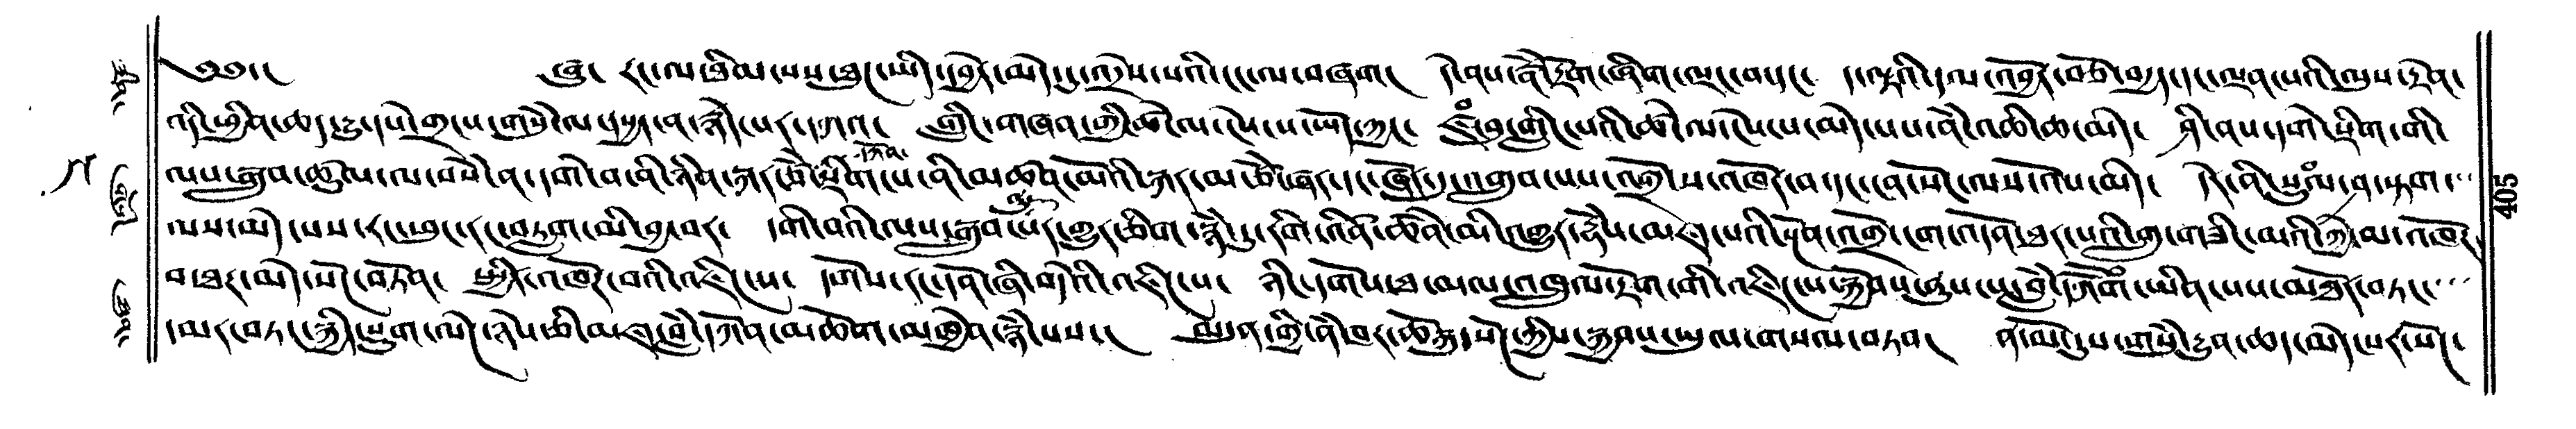ཞུ། རང་ལ་ཐིམ་པས་ཐུགས་ཡིད་དབྱེར་མེད་དུ་འདྲེས་པའི་ངང་ལ་གཞག དེ་ནས་རྣམ་རྟོག་ཞིག་ལྡང་བ་དང་། ད་ལྟའི་དལ་འབྱོར་བཅོ་བརྒྱད་དང་ལྡན་པའི་ལུས་རྟེན་
འདི་ཕྱིན་ཆད་རྒྱུ་དཔེ་གྲངས་གསུམ་ལ་དཔྱད་ན་རྙེད་པར་དཀའ། གླིང་གཞན་གྱི་ཚེ་ལ་ངེས་པ་ཡོད་ཀྱང་།འཛམ་བུ་གླིང་པའི་ཚེ་ལ་ངཻས་པ་མེད་པས་ནམ་འཆི་ཆ་མེད། ཤི་ནས་དགེ་སྡིག་གི་
ལས་བསགས་ཚུལ་ལ་བསམ་ན་དགེ་བ་ནི་ཉིན་སྐར་ཙམ་དཀོན། སྡིག་པ་ནི་མཚན་མོའི་སྐར་མ་ཙམ་ཞར་དང་ཞོར་དུ་འགྲུབ་པས་འགྲོ་ས་འཁོར་བ་དང་ངན་སོང་ལས་འོས་མེད། དེར་ནི་སྡུག་བསྔལ་ཤ་སྟག་
ལས་མེད་པས་རང་ཕུང་རང་བརླག་མི་བྱ་བར། དགེ་བའི་ལས་སྒྲུབ་ནུས་པར་གྱུར་ཅིག་སྙམ་དུ་རིག་འཛིན་ཆེན་པོ་མི་འགྱུར་རྡོ་རྗེས་མཛད་པའི་སྔོན་འགྲོ་ངག་འདོན་ཐར་པའི་གྲུ་གཟིངས་མའི་ཀྱེ་མ་འཁོར་
བ་ཐར་མེད་སོགས་འདཽན། སྤྱིར་འཁོར་བའི་འཇིགས་པ། དགོས་རང་དོན་ཞི་བདེའི་འཇིགས་པ། ཉིང་དགོས་ཐ་མལ་འཁྲུལ་རྟོག་གི་འཇིགས་པ་སྐྱོབ་ནུས་པ་བླ་མ་དཀོན་མཆོག་ཡིན་པས་མཐོར་བཏང་
དམར་བཏང་སྐྱིད་སྡུག་ལེགས་ཉེས་ཅི་མཛད་བླ་མ་དཀོན་མཆོག་མཁྱེན་སྙམ་པས། མདུན་གྱི་ནམ་མཁར་ཆོས་སྐུ་སོགས་ཀྱིས་སྐྱབས་ཡུལ་གསལ་གདབ། ན་མོ། དུས་གསུམ་རྒྱུན་ཆད་མེད་པར་སོགས་